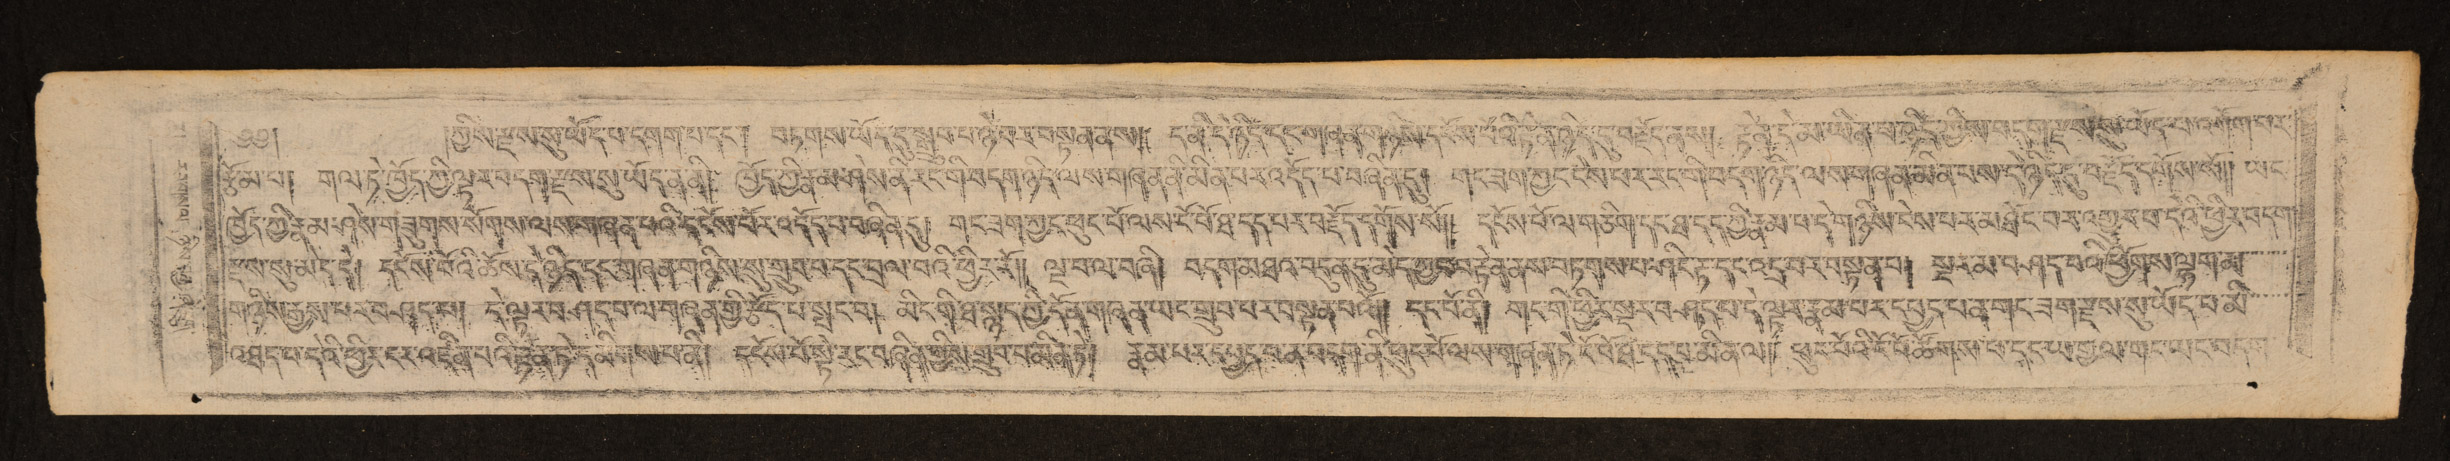༄༅། །ཀྱིས་རྫས་སུ་ཡོད་པ་དགག་པ་དང་། བཏགས་ཡོད་དུ་སྒྲུབ་པ་ཉེ་བར་བསྟན་ནས། དེ་ནི་དེ་ཉིད་དང་གཞན་གཉིས་དངོས་པོའི་རྟེན་ཉིད་དུ་བརྗོད་ནས། རྟེན་དེ་མ་ཡིན་པ་ཉིད་ཀྱིས་བདག་རྫས་སུ་ཡོད་པ་འགོག་པར་
རྩོམ་པ། གལ་ཏེ་ཁྱོད་ཀྱི་ལྟར་བདག་རྫས་སུ་ཡོད་ན་ནི། ཁྱོད་ཀྱི་རྣམ་ཤེས་ནི་རང་གི་བདག་ཉིད་ལས་གཞན་ནི་མིན་པར་འདོད་པ་བཞིན་དུ། གང་ཟག་ཀྱང་ངེས་པར་རང་གི་བདག་ཉིད་ལས་གཞན་མིན་པས་དེ་ཉིད་དུ་བརྗོད་དགོས་སོ།། ཡང་
ཁྱོད་ཀྱི་རྣམ་ཤེས་གཟུགས་སོགས་ལས་གཞན་པའི་དངོས་པོར་འདོད་པ་བཞིན་དུ། གང་ཟག་ཀྱང་ཕུང་པོ་ལས་ངོ་བོ་ཐ་དད་པར་བརྗོད་དགོས་སོ།། དངོས་པོ་ལ་གཅིག་དང་ཐ་དད་ཀྱི་རྣམ་པ་དེ་གཉིས་ངེས་པར་མཐོང་བར་འགྱུར་བ་དེའི་ཕྱིར་བདག་
རྫས་སུ་མེད་དེ། དངོས་པོའི་ཆོས་དེ་ཉིད་དང་གཞན་གཉིས་སུ་གྲུབ་པ་དང་བྲལ་བའི་ཕྱིར་རོ།། ལྔ་པ་ལ་བཞི། བདག་མཐའ་བདུན་དུ་མེད་ཀྱང་བརྟེན་ནས་བཏགས་པ་ཤིང་རྟ་དང་འདྲ་བར་བསྟན་པ། སྔར་མ་བཤད་པའི་ཕྱོགས་ལྷག་མ་
གཉིས་རྒྱས་པར་བཤད་པ། དེ་ལྟར་བཤད་པ་ལ་གཞན་གྱི་རྩོད་པ་སྤོང་བ། མིང་གི་ཐ་སྙད་ཀྱི་དོན་གཞན་ཡང་གྲུབ་པར་བསྟན་པའོ།། དང་པོ་ནི། གང་གི་ཕྱིར་སྔར་བཤད་པ་དེ་ལྟར་རྣམ་པར་དཔྱད་པ་ན་གང་ཟག་རྫས་སུ་ཡོད་པ་མི་
འཐད་པ་དེའི་ཕྱིར་ངར་འཛིན་པའི་རྟེན་ཏེ་དམིགས་པ་ནི། དངོས་པོ་སྟེ་རང་བཞིན་གྱིས་གྲུབ་པ་མིན་ཏེ། རྣམ་པར་དཔྱད་པ་ན་བདག་ནི་ཕུང་པོ་ལས་གཞན་ཏེ་ངོ་བོ་ཐ་དད་པ་མིན་ལ། ཕུང་པོའི་ངོ་བོ་ཚོགས་པ་དང་ཡ་གྱལ་གང་ཡང་བདག་